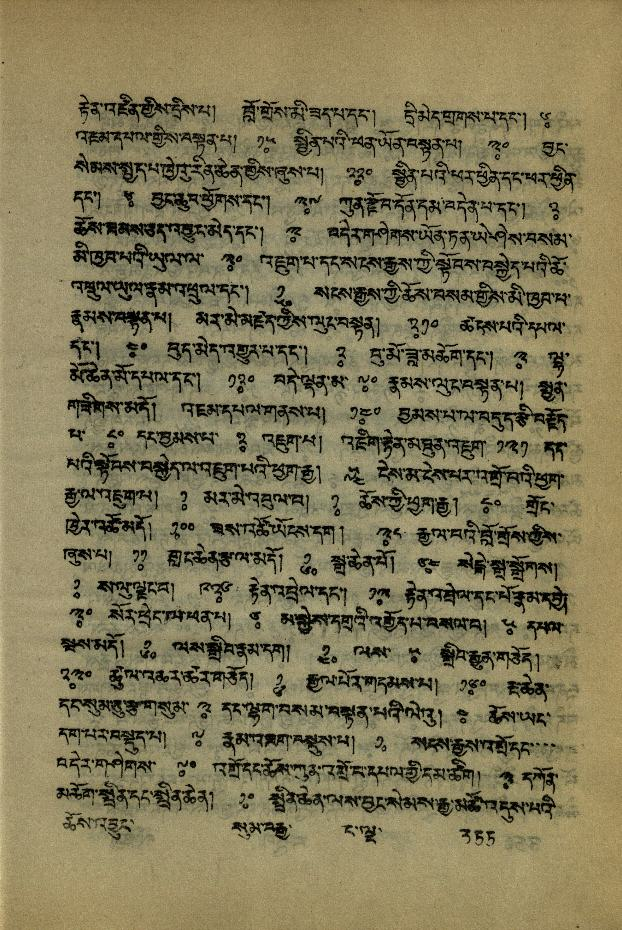རྟེན་འཛིན་གྱིས་དྲིས་པ། བློ་གྲོས་མི་ཟད་པ་དང་། དྲི་མེད་གྲགས་པ་དང་། ༦
འཇམ་དཔལ་གྱིས་བསྟན་པ། ༡༥་སྦྱིན་པའི་ཕན་ཡོན་བསྟན་པ། ༣༠་བྱང་
སེམས་སྤྱད་པ་ཁྱེའུ་རིན་ཆེན་གྱིས་ཞུས་པ། ༢༢༠་སྦྱིན་པའི་ཕར་ཕྱིན་དང་ཕར་ཕྱིན་
དང་། ༦་བྱང་ཆུབ་ཕྱོགས་དང་། ༣༧་ཀུན་རྫོབ་དོན་དམ་བདེན་པ་དང་། ༢
ཆོས་ཐམས་ཅད་འབྱུང་མེད་དང་། ༣་བདེར་གཤེགས་ཡོན་ཏན་ཡེ་ཤེས་བསམ་
མི་ཁྱབ་པའི་ཡུལ་ལ ༣༠་འཇུག་པ་དང་སངས་རྒྱས་ཀྱི་སྟོབས་བསྐྱེད་པའི་ཆོ་
འཕྲུལ་ཡུལ་རྣམ་འཕྲུལ་དང་། ༡༥༠་སངས་རྒྱས་ཀྱི་ཆོས་བསམ་གྱིས་མི་ཁྱབ་པ་
རྣམས་བསྟན་པ། མར་མེ་མཛད་ཀྱིས་ལུང་བསྟན། ༢༡༠་ཚད་དས་པའི་དཔལ་
དང་། ༤༠་བུད་མེད་འགྱུར་པ་དང་། ༢་བུ་མོ་ཟླ་མཆོག་དང་། ༣་ལྷ་
མོ་ཆེན་མོ་དཔལ་དང་། ༡༢༠་བདེ་ལྡན་མ ༧༠་རྣམས་ལུང་བསྟན་པ། སྤྱན་
གཟིགས་མདོ། འཇམ་དཔལ་གནས་པ། ༡༤༠་བྱམས་པ་ལ་བདུད་རྩི་བརྗོད་
པ ༨༠་དང་བྱམས་པ ༢་འཇུག་པ། འཇིག་རྟེན་མཐུན་འཇུག །༡༣༡་དད་
པའི་སྟོབས་བསྐྱེད་ལ་འཇུག་པའི་ཕྱག་རྒྱ། ༥༧༤་ངེས་མ་ངེས་པར་འགྲོ་པའི་ཕྱག་
རྒྱལ་འཇུག་པ། ༡་མར་མེ་འབུལ་བ། ༡་ཆོས་ཀྱི་ཕྱག་རྒྱ། ༨༠་གྲོང་
ཁྱེར་འཚོ་མདོ། ༡༠༠་ཐས་འཚོ་ཡོངས་དག། ༢༨་རྒྱལ་པའི་བློ་གྲོས་ཀྱིས་
ཞུས་པ། ༡༡་གླང་ཆེན་རྩལ་མདོ། ༡༦༠་སྒྲ་ཆེན་པོ། ༦༤་སེངྒེ་སྒྲ་སྒྲོགས།
༡་ས་ལུ་ལྗང་བ། ༩༢༦་རྟེན་འབྲེལ་དང་། ༡༣་རྟེན་འབྲེལ་དང་པོ་རྣམ་དབྱེ།
༣༠་སོར་ཕྲེང་ལ་ཕན་པ། ༦་མ་སྐྱེས་དགྲའི་འགྱོད་པ་བསལ་བ། ༥་དཔལ་
སྦས་མདོ། ༡༦༠་ལས་སྒྲིབ་རྣམ་དག། ༡་ལས ༥་སྒྲིབ་རྒྱུན་གཅོད།
༢༣༠་ཚུལ་འཆར་ཚར་གཅོད། ༡་རྒྱལ་པོར་གདམས་པ། ༡༦༠་རྔ་ཆེན་
དང་སུམ་ཅུ་རྩ་གསུམ ༣་དང་ལྷག་བསམ་བསྟན་པའི་ལེའུ། ༤་ཆོས་ཡང་
དག་པར་བསྡུད་པ། ༧་རྣམ་འཐག་བསྡུས་པ། ༡་སངས་རྒྱས་འགྲོ་དང་
བདེར་གཤེགས ༧༠་འགྲོ་དང་ཆོས་ཀུན་འགྲོ་བ་དཔལ་གྱི་དམ་ཚིག། ༣་དཀོན་
མཆོག་སྤྲིན་དང་སྤྲིན་ཆེན། ༡༠་སྤྲིན་ཆེན་ལས་བྱང་སེམས་རྒྱ་མཚོ་འྶུད་པའི་